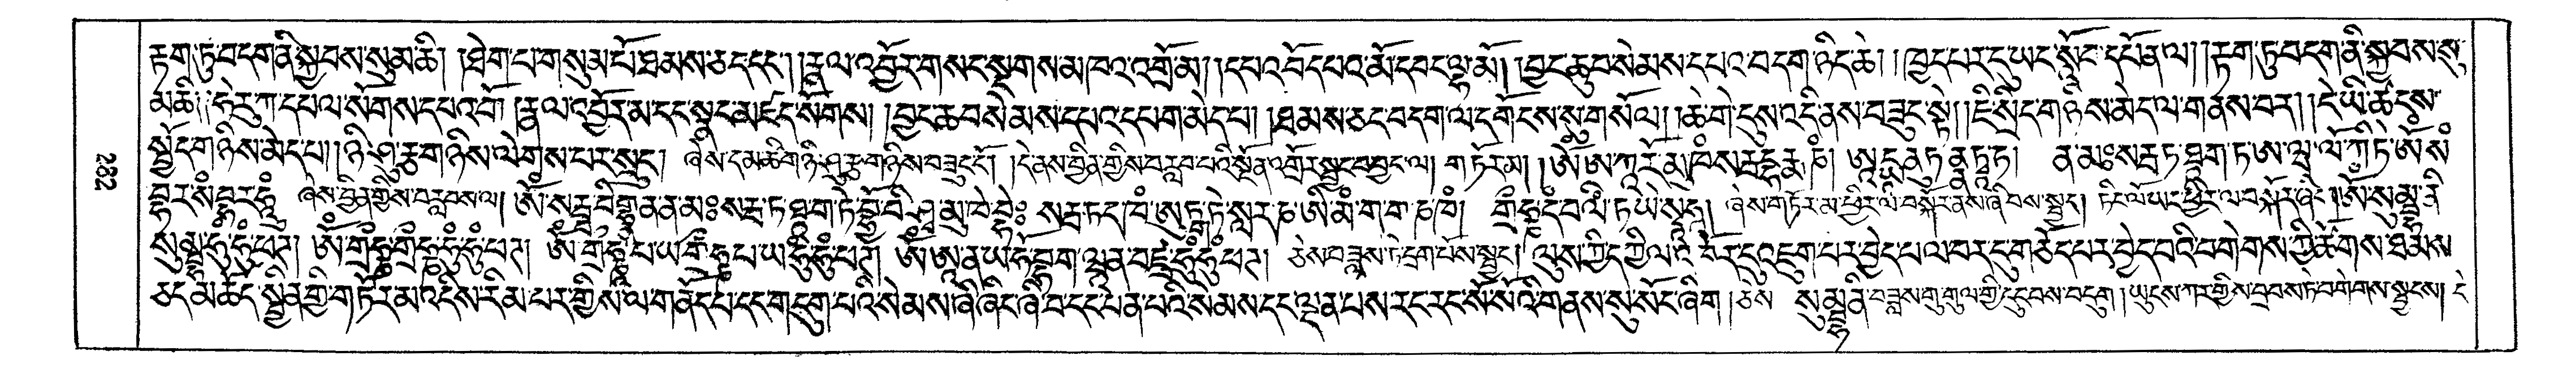རྟག་ཏུ་བདག་ནི་སྐྱབས་སུ་མཆི། །ཐེག་པ་གསུམ་པོ་ཐམས་ཅད་དང་། །རྣལ་འབྱོར་གསང་སྔགས་མཁའ་འགྲོ་མ། །དཔའ་བོ་དཔའ་མོ་དབང་ལྷ་མོ། །བྱང་ཆུབ་སེམས་དཔའ་བདག་ཉིད་ཆེ། །ཁྱད་པར་དུ་ཡང་སློབ་དཔོན་ལ། །རྟག་ཏུ་བདག་ནི་སྐྱབས་སུ་
མཆི༑ ༑ཧེ་རུ་ཀ་དཔལ་སོགས་དཔའ་བོ། །རྣལ་འབྱོར་མ་དང་སྣང་མཛད་སོགས། །བྱང་ཆུབ་སེམས་དཔའ་དཔག་མེད་པ། །ཐམས་ཅད་བདག་ལ་དགོངས་སུ་གསོལ། །ཆེ་གེ་དུས་འདི་ནས་བཟུང་སྟེ། །ཇི་སྲིད་གཉིས་མེད་ལ་གནས་པར། །དེ་ཡི་ཚངས་
སྤྱོད་གཉིས་མེད་པ། །ཉི་ཤུ་རྩ་གཉིས་ལེགས་པར་སྲུང་། ཞེས་དམ་ཚིག་ཉི་ཤུ་རྩ་གཉིས་བཟུང་ངོ། །དེ་ནས་བྱིན་གྱིས་བརླབ་པའི་སྔོན་འགྲོར་སྦྱང་བྱ་བ་ལ། གཏོར་མ། ཨོཾ་ཨ་ཀཱ་རོ་མུ་ཁཾ་སརྦ་དྷརྨ་ཎཾ། ཨཱ་དྱཱ་ནུཏྤནྣ་ཏྭཱ་ཏ། ན་མཿ སརྦ་ཏ་ཐཱ་ག་ཏ་ཨ་ཝ་ལོ་ཀི་ཏེ་ཨོཾ་སཾ་
བྷ་ར་སཾ་བྷ་ར་ཧཱུཾ། ཞེས་བྱིན་གྱིས་བརླབས་ལ། ཨོཾ་སརྦ་བིགྷྣན་ན་མ༑ སརྦ་བིགྷྣན་ན་མཿ སརྦ་ཏ་ཐཱ་ག་ཏེ་བྷྱོ་བི་ཤྭ་མུ་ཁེ་བྷེཿ སརྦ་ཏད་ཁཾ་ཨུཏྒ་ཏེ་སྥ་ར་ཎ་ཨི་མཾ་ག་ག་ཎ་ཁཾ། གྲྀ་ཧྞ་བ་ལིཾ་ཏ་ཡེ་སྭཱ་ཧཱ། ཞེས་གཏོར་མ་ཕྱིར་ལ་བསྐོར་ནས་ཞི་བས་སྦྱང་། ཏིང་ལོ་ཡང་རི་ལ་བསྐོར་ཞིང་། །ཨོཾ་སུམྦྷ་ནི་
སུམྦྷ་ཧུཾ་ཧུཾ་ཕཊ། ཨོཾ་གྲྀཧྞ་གྲྀཧྞ་ཧུཾ་ཧུཾ་ཕཊ། ཨོཾ་གྲྀཧྞ་པ་ཡ་གྲྀཧྞ་པ་ཡ་ཧུཾ་ཧུཾ་ཕཊ། ཨོཾ་ཨཱ་ན་ཡ་ཧོ་བྷ་ག་ཝཱ་ན་བཛྲ་ཧུཾ་ཧུཾ་ཕཊ། ཅེས་བཟླས་ཏེ་དྲག་པོས་སྤྱང་། ལུས་ཀྱི་དཀྱིལ་འཁོར་དུ་འཇུག་པར་བྱེད་པ་ལ་བར་དུ་གཅོད་པར་བྱེད་པའི་བགེགས་ཀྱི་ཚོགས་ཐམས་
ཅད་མཆོད་སྦྱིན་གྱི་གཏོར་མ་འདིས་ཚིམ་པར་གྱིས་ལ་གནོད་པ་དང་གདུ་ག་པའི་སེམས་ཞི་ཞིང་ཞི་བ་དང་ཕན་པའི་སེམས་དང་ལྡན་པས་རང་རང་སོ་སོའི་གནས་སུ་སོང་ཞིག །ཅེས་སུམྦྷ་ནི་བཟླས་གུ་གུལ་གྱི་དུང་པས་བདུག །ཡུང་མ་ཀར་གྱིས་བྲབས་ཏེ་བགེགས་སྦྱངས། དེ་